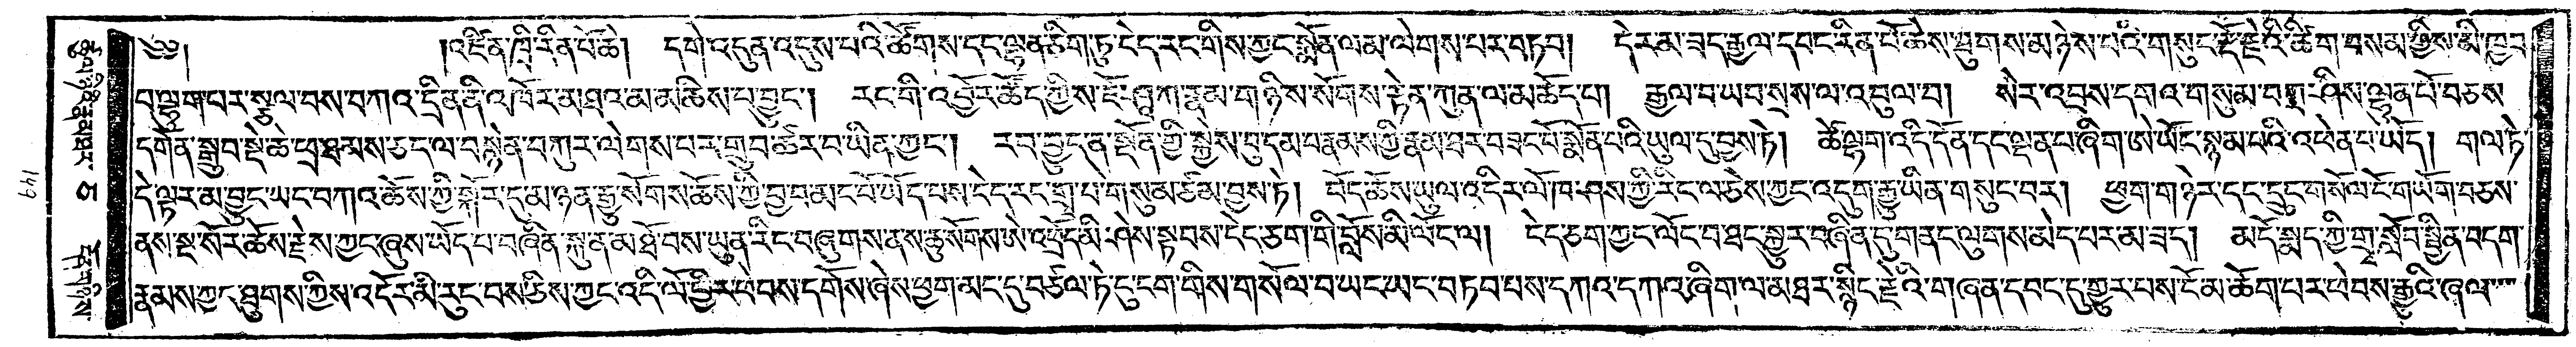༄༅། །འཛིན་ཁྲི་རིན་པོ་ཆེ། དགེ་འདུན་འདུས་པའི་ཚོགས་དང་ལྷན་ཅིག་ཏུ་ངེད་རང་གིས་ཀྱང་སྨོན་ལམ་ལེགས་པར་བཏབ། དེར་མ་ཟད་རྒྱལ་དབང་རིན་པོ་ཆེས་ཐུགས་མཉེས་བའི་གསུང་རྡོ་རྗེའི་ཚིག་བསམ་གྱིས་མི་ཁྱབ་
བ་ལྷུག་པར་སྩལ་བས་བཀའ་དྲིན་ནི་འཁོར་མཐའ་མ་མཆིས་པ་བྱུང་། རང་གི་འབྱོར་ཚོད་ཀྱིས་ཇོ་ཤཱཀ་རྣམ་གཉིས་སོགས་རྟེན་ཀུན་ལ་མཆོད་པ། རྒྱལ་བ་ཡབ་སྲས་ལ་འབུལ་བ། སེར་འབྲས་དགའ་གསུམ་བཀྲ་ཤིས་ལྷུན་པོ་བཅས་
དགོན་སྒྲུབ་སྡེ་ཆེ་ཕྲ་ཐམས་ཅད་ལ་བསྙེན་བཀུར་ལེགས་བར་གྲུབ་ཚར་བ་ཡིན་ཀྱང་། རབ་བྱུང་ན་སྔོན་གྱི་སྐྱེས་བུ་དམ་བ་རྣམས་ཀྱི་རྣམ་ཐར་བཟང་པོ་སྨོན་བའི་ཡུལ་དུ་བྱས་ཏེ། ཚེ་ལྷག་འདི་དོན་དང་ལྡན་པ་ཞིག་ཨེ་ཡོང་སྙམ་པའི་འཕེན་བ་ཡོད། གལ་ཏེ་
དེ་ལྟར་མ་བྱུང་ཡང་བཀའ་ཆོས་ཀྱི་སྐོ་ར་དུ་མ་ཉན་རྒྱུ་སོགས་ཆོས་ཀྱི་བྱ་བ་མང་པོ་ཡོད་བས་ངེད་རང་གྲྭ་པ་གསུམ་ཙམ་བྱས་ཏེ། བོད་ཆོས་ཡུལ་འདིར་ལོ་ཁ་ཤེས་ཀྱི་རིང་ལ་ཅེས་ཀྱང་འདུག་རྒྱུ་ཡིན་གསུང་བར། ཕྱག་གཉེར་དང་དྲུང་གསོལ་ངོ་གཡོག་བཅས་
ནས་སྔ་སོར་ཆོས་རྗེས་ཀྱང་ཞུས་ཡོད་པ་བཞིན་སྐུ་ན་མཐོ་བས་ཡུན་རིང་བཞུགས་ནས་ཆུ་སོགས་ཨི་འཕྲོད་མི་ཤེས་སྟབས་ངེད་ཅག་གི་བློས་མི་ལོང་ལ། ངེད་ཅག་ཀྱང་ལོང་བ་ཐང་སྐུར་བཞིན་དུ་གནང་ལུགས་མེད་པར་མ་ཟད། མདོ་སྨད་ཀྱི་གྲྭ་སློབ་སྦྱིན་བདག་
རྣམས་ཀྱང་ཐུགས་ཀྱིས་འདོར་མི་རུང་བས་ཅིས་ཀྱང་འདི་ལོ་ཕྱིར་ཕེབས་དགོས་ཞེས་ཕྱག་མང་དུ་བཙལ་ཏེ་དུ་ངག་གིས་གསོལ་བ་ཡང་ཡང་བཏབ་པས་དཀའ་དཀའ་ཞིག་ལ་མཐར་སྙིང་རྗེའི་གཞན་དབང་དུ་གྱུར་པས་ངོ་མ་ཆོག་པར་ཕེབས་རྒྱུའི་ཞལ་